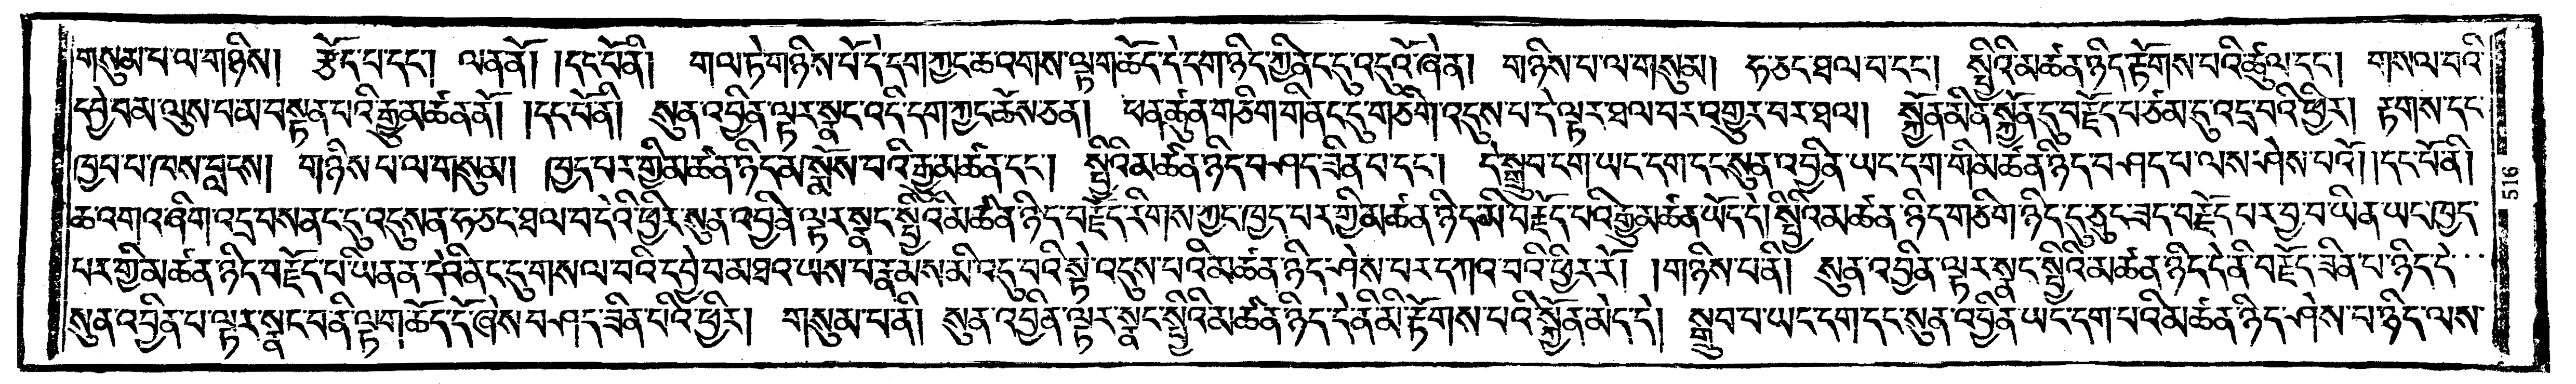གསུམ་པ་ལ་གཉིས། རྩོད་པ་དང་། ལན་ནོ། །དང་པོ་ནི། གལ་ཏེ་གཉིས་པོ་དེ་དག་ཀྱང་ཆ་འགས་ལྟག་ཆོད་དེ་དག་ཉིད་ཀྱི་ནང་དུ་འདུའོ་ཞེ་ན། གཉིས་པ་ལ་གསུམ། ཧ་ཅང་ཐལ་བ་དང་། སྤྱིའི་མཚན་ཉིད་རྟོགས་པའི་ཚུལ་དང་། གསལ་བའི་
དབྱེ་བམ་ལུས་བ་མ་བསྟན་པའི་རྒྱུ་མཚན་ནོ། །དང་པོ་ནི། སུན་འབྱིན་ལྟར་སྣང་འདི་དག་ཀྱང་ཆོས་ཅན། ཕན་ཚུན་གཅིག་གི་ནང་དུ་གཅིག་འདུས་པ་དེ་ལྟར་ཐལ་བར་འགྱུར་བར་ཐལ། སྐྱོན་མིན་སྐྱོན་དུ་བརྗོད་པ་ཙམ་དུ་འདྲ་བའི་ཕྱིར། རྟགས་དང་
ཁྱབ་པ་ཁས་བླངས། གཉིས་པ་ལ་གསུམ། ཁྱད་པར་གྱི་མཚན་ཉིད་མ་སྨོས་བའི་རྒྱུ་མཚན་དང་། སྤྱིའི་མཚན་ཉིད་བཤད་ཟིན་བ་དང་། དེ་སྒྲུབ་ངག་ཡང་དག་དང་སུན་འབྱིན་ཡང་དག་གི་མཚན་ཉིད་བཤད་པ་ལས་ཤེས་པའོ། །དང་པོ་ནི།
ཆ་འགའ་ཞིག་འདྲ་བས་ནང་དུ་འདུས་ན་ཧ་ཅང་ཐལ་བ་དེའི་ཕྱིར་སུན་འབྱིན་ལྟར་སྣང་སྤྱིའི་མཚན་ཉིད་བརྗོད་རིགས་ཀྱང་ཁྱད་པར་གྱི་མཚན་ཉིད་མི་བརྗོད་པའི་རྒྱུ་མཚན་ཡོད་དེ། སྤྱིའི་མཚན་ཉིད་གཅིག་ཉིད་དུ་ཅུང་ཟད་བརྗོད་པར་བྱ་བ་ཡིན་ཡང་ཁྱད་
པར་གྱི་མཚན་ཉིད་བརྗོད་པ་ཡིན་ན་དེའི་ནང་དུ་གསལ་བའི་དབྱེ་བ་མཐའ་ཡས་པ་རྣམས་མི་འདུ་བའི་སྟེ་འདུས་པའི་མཚན་ཉིད་ཤེས་པར་དཀའ་བའི་ཕྱིར་རོ། །གཉིས་པ་ནི། སུན་འབྱིན་ལྟར་སྣང་སྤྱིའི་མཚན་ཉིད་དེ་ནི་བརྗོད་ཟིན་པ་ཉིད་དེ་
སུན་འབྱིན་པ་ལྟར་སྣང་བ་ནི་ལྟག་ཆོད་དོ་ཞེས་བཤད་ཟིན་པའི་ཕྱིར། གསུམ་པ་ནི། སུན་འབྱིན་ལྟར་སྣང་སྤྱིའི་མཚན་ཉིད་དེ་ནི་མི་རྟོགས་པའི་སྐྱོན་མེད་དེ། སྒྲུབ་པ་ཡང་དག་དང་སུན་འབྱིན་ཡང་དག་པའི་མཚན་ཉིད་ཤེས་པ་ཉིད་ལས་